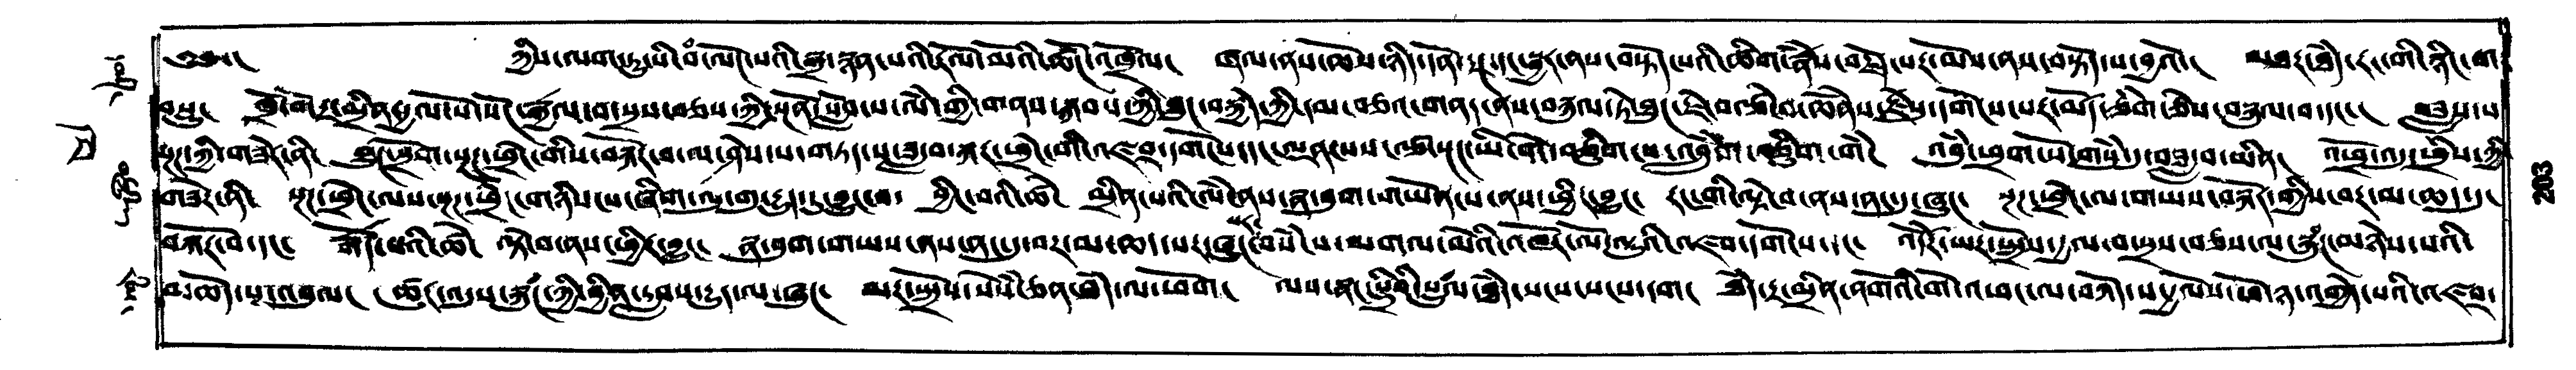ཀྱིས་ལག་ཏུ་པི་ཝཾ་ལ་སོགས་པའི་སྒྲ་སྙན་པའི་རོལ་མོའི་ཚོགས་འཁྲོལ། ཞལ་ནས་ཆོས་ཉིད་དོན་རྟགས་དང་སྦྱར་ནས་བསྟོད་པའི་ཚིག་རྣམས་བརྗོད་པར་མོས་ནས་བསྟོད་པ་བྱའོ།། མཐར་ཐམས་ཅད་རང་གི་སྙིང་གར་
བསྡུ། ཁྲོ་བོ་རྟ་མགྲིན་རྒྱལ་པོ་སོགས་རྒྱལ་བ་སྲས་བཅས་ཀྱིས་སྔོན་སློབ་པ་ལམ་གྱི་གནས་སྐབས་སུ་ཐུགས་བསྐྱེད་པའི་དམ་བཅའ་གནད་ནས་བསྐུལ་ཏེ་ཐུགས་བརྩེ་བ་ཆེན་པོས་རྗེས་སུ་དགོངས་པར་མཛོད་ཅིག་ཅེས་བསྐུལ་བ་དང་། བཟླས་པ་
སྔགས་ཀྱི་གཟེར་ནི། ཐུགས་སྲོག་སྔགས་ཕྲེང་གིས་བསྐོར་བ་ལ་ཤེས་པ་གཏད་པ་ཟླ་བ་སྐརཕྲེང་གི་འཛབ་དགོངས་དང་ལྡན་པས་རྩ་སྔགས་ཡི་གེ་བཅུ་གཅིག་པ་འབུམ་ཕྲག་བཅུ་གཅིག་གམ། འབུམ་ཕྲག་སོ་གསུམ་དུ་བཟླ་བ་ཡིན། འཕྲོ་འདུ་ཕྲིན་ལས་ཀྱི་
གཟེར་ནི། སྔགས་ཕྲེང་ལས་སྔགས་ཕྲེང་གཉིས་པ་ཞིག་ལུ་གུ་རྒྱུད་དུ་བྱུང་བ་བྱིང་བའི་ཚེ་མགྲིན་པའི་ལམ་ནས་སྣ་བུག་གཡོན་པ་ནས་ཕྱིར་བྱུང་། རང་གི་ལྟེ་བ་ནས་ནང་དུ་ཞུགས། སྔགས་ཕྲེང་ལ་གཡས་བསྐོར་གྱིས་བར་མ་ཆད་དུ་
བསྐོར་བ་དང་། རྒོད་པའི་ཚེ་ལྟེ་བ་ནས་ཕྱིར་བྱུང་། སྣ་བུག་གཡས་ནས་ནང་དུ་བར་མ་ཆད་པར་ཞུགས་པར་བསམ་པ་མགལ་མོའི་འཁོར་ལོ་ལྟ་བུའི་འཛབ་དགོངས་དང་། འོད་ཟེར་ཡར་སྤྲོས་རྒྱལ་བ་སྲས་བཅས་ལ་སྐུ་གསུང་ཐུགས་མཉེས་པའི་
མཆོད་པ་ཕུལ། ཚུར་འདུས་སྐུ་གསུང་ཐུགས་ཀྱི་བྱིན་རླབས་རྒྱུད་ལ་ཞུགས། མར་སྤྲོས་སེམས་ཅན་ཐམས་ཅད་ལ་ཕོགལས་སྣང་སྡིག་སྒྲིབ་སྡུག་བསྔལ་ཐམས་ཅད་སངས་སངས་དག ཐམས་ཅད་རྟ་མགྲིན་ནག་པོའི་གོ་འཕང་ལ་བཀོད་པ་རྒྱལ་པོས་ཕོ་ཉ་འགྱེད་པའི་འཛབ་